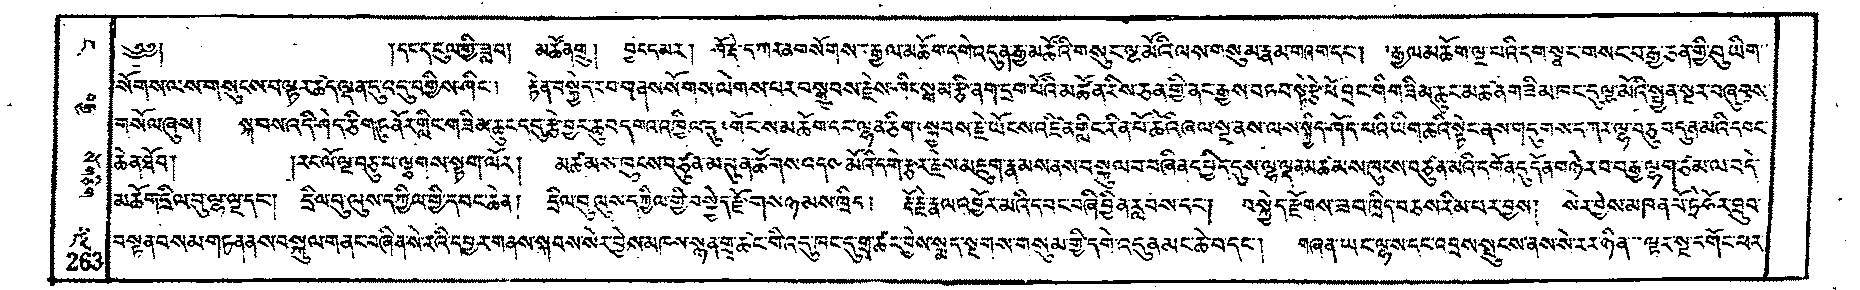༄༅། །དང་དངུལ་གྱི་ཟླ་བ། མཚོན་གྲུ། བྱང་དམར། ཤོ་རྡེ་དཀར་ནག་སོགས་༧རྒྱལ་མཆོག་དགེ་འདུན་རྒྱ་མཚོའི་གསུང་ལྷ་མོའི་ལས་གསུམ་རྣམ་གཞག་དང་། ༧རྒྱལ་མཆོག་ལྔ་པའི་དག་སྣང་གསང་བ་རྒྱ་ཅན་གྱི་བུ་ཡིག་
སོགས་ལས་གསུངས་པ་ལྟར་ཚད་ལྡན་དུ་འདུ་བགྱིས་ཤིང་། རྟེན་བསྐྱེད་རབ་གནས་སོགས་ལེགས་པར་བསྒྲུབས་རྗེས་ཤིང་སྒམ་རྩི་ནག་དྲག་པོའི་མཚོན་རིས་ཅན་གྱི་ནང་རྒྱས་བཏབ་སྟེ་རྩེ་ཕོ་བྲང་གི་གཟིམ་ཆུང་མཚན་གཟིམ་ཁང་དུ་ལྷ་མོའི་སྤྱན་སྔར་བཞུགས་
གསོལ་ཞུས། སྐབས་འདི་ཤེད་ཅིག་ཏུ་ནོར་གླིང་གཟིམ་ཆུང་དབུ་རྩེ་བྱང་ཆུབ་དགའ་འཁྱིལ་དུ་༧གོང་ས་མཆོག་དང་ལྷན་ཅིག་༧སྐྱབས་རྗེ་ཡོངས་འཛིན་གླིང་རིན་པོ་ཆེའི་ཞལ་སྔ་ནས་ལས་སྐྱིད་ཤོད་པའི་ཡིག་ཆའི་སྟེང་ནས་གདུགས་དཀར་ལྷ་བཅུ་བདུན་མའི་དབང་
ཆེན་ཐོབ། །རང་ལོ་ལྔ་བཅུ་པ་ལྕགས་སྟག་ལོར། མཚམས་ཁུངས་བཙུན་མ་ཕུན་ཚོགས་འདའ་མོའི་དགེ་རྩར་རྗེས་མཇུག་རྣམས་ནས་བསྐུལ་བ་བཞིན་དཔྱིད་དུས་ལྷ་ལྡན་མཚམས་ཁུངས་བཙུན་མའི་དགོན་དུ་དོན་གཉེར་བ་བརྒྱ་ལྷག་ཙམ་ལ་བདེ་
མཆོག་དྲིལ་བུ་ལྷ་ལྔ་དང་། དྲིལ་བུ་ལུས་དཀྱིལ་གྱི་དབང་ཆེན། དྲིལ་བུ་ལུས་དཀྱིལ་གྱི་བསྐྱེད་རྫོགས་ཉམས་ཁྲིད། རྡོ་རྗེ་རྣལ་འབྱོར་མའི་དབང་བཞི་བྱིན་རླབས་དང་། བསྐྱེད་རྫོགས་ཟབ་ཁྲིད་བཅས་རིམ་པར་བྱས། སེར་བྱེས་མཁན་པོ་ཏྲེ་ཧོར་ཐུབ་
བསྟན་བསམ་གཏན་ནས་བསྐུལ་གནང་བཞིན་སེ་རའི་དབྱར་གནས་སྐབས་སེར་བྱེས་མཁས་སྙན་གྲྭ་ཚང་གི་འདུ་ཁང་དུ་གྲྭ་ཚང་བྱེས་སྨད་སྔགས་གསུམ་གྱི་དགེ་འདུན་མང་ཆེ་བ་དང་། གཞན་ཡང་ལྷ་ས་དང་འབྲས་སྤུངས་ནས་སེ་རར་ཉིན་ལྟར་སྔ་དགོང་ཕར་